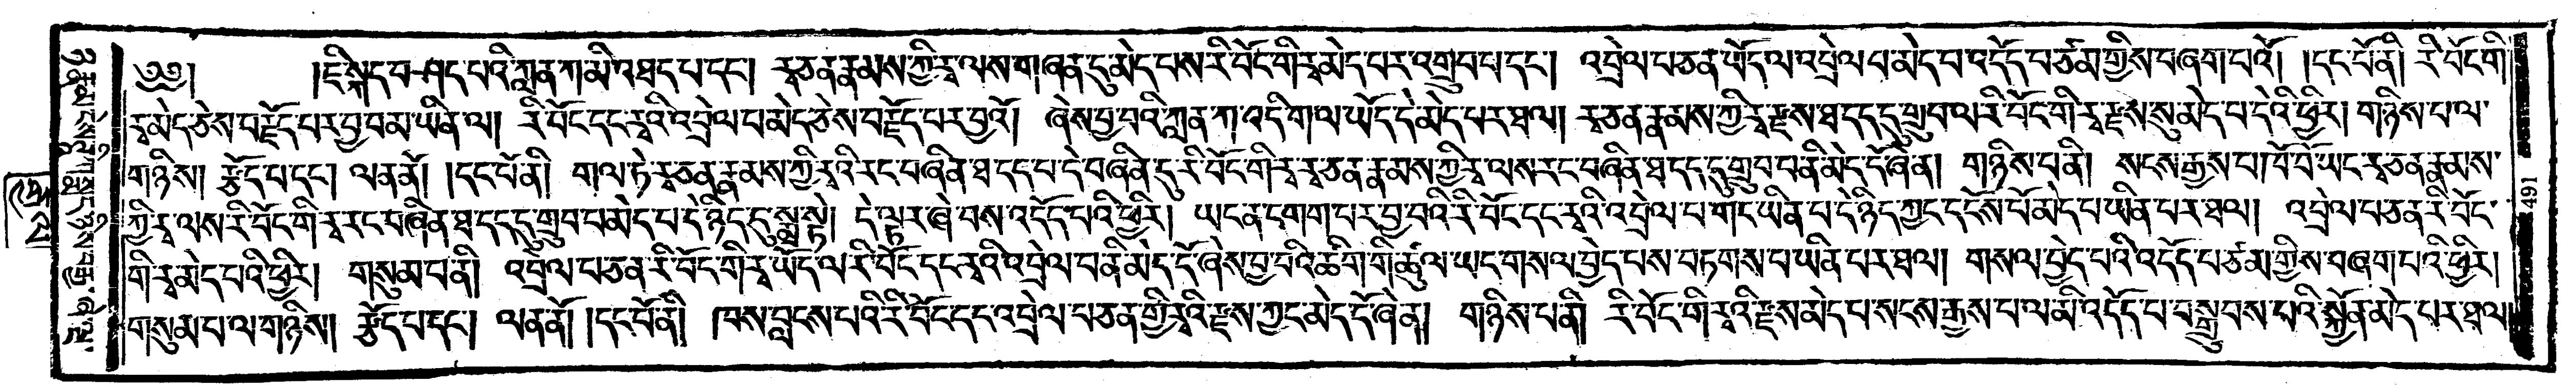༄༅། །ཇི་སྐད་བཤད་པའི་ཀླན་ཀ་མི་འཐད་པ་དང་། རྭ་ཅན་རྣམས་ཀྱི་རྭ་ལས་གཞན་དུ་མེད་པས་རི་བོང་གི་རྭ་མེད་པར་འགྲུབ་པ་དང་། འབྲེལ་པ་ཅན་ཡོད་ལ་འབྲེལ་པ་མེད་པ་འདོད་པ་ཙམ་གྱིས་བཞག་པའོ། །དང་པོ་ནི། རི་བོང་གི་
རྭ་མེད་ཅེས་བརྗོད་པར་བྱ་བ་མ་ཡིན་ལ། རི་བོང་དང་རྭའི་འབྲེལ་པ་མེད་ཅེས་བརྗོད་པར་བྱའོ། ཞེས་བྱ་བའི་ཀླན་ཀ་འདི་ག་ལ་ཡོད་དེ་མེད་པར་ཐལ། རྭ་ཅན་རྣམས་ཀྱི་རྭ་རྫས་ཐ་དད་དུ་གྲུབ་ལ་རི་བོང་གི་རྭ་རྫས་སུ་མེད་པ་དེའི་ཕྱིར། གཉིས་པ་ལ་
གཉིས། རྩོད་པ་དང་། ལན་ནོ། །དང་པོ་ནི། གལ་ཏེ་རྭ་ཅན་རྣམས་ཀྱི་རྭའི་རང་བཞིན་ཐ་དད་པ་དེ་བཞིན་དུ་རི་བོང་གི་རྭ་རྭ་ཅན་རྣམས་ཀྱི་རྭ་ལས་རང་བཞིན་ཐ་དད་དུ་གྲུབ་པ་ནི་མེད་དོ་ཞེ་ན། གཉིས་པ་ནི། སངས་རྒྱས་པ་ཁོ་བོ་ཡང་རྭ་ཅན་རྣམས་
ཀྱི་རྭ་ལས་རི་བོང་གི་རྭ་རང་བཞིན་ཐ་དད་དུ་གྲུབ་པ་མེད་པ་དེ་ཉིད་དུ་སྨྲ་སྟེ། དེ་ལྟར་ཞེ་བས་འདོད་པའི་ཕྱིར། ཡང་ན་དགག་པར་བྱ་བའི་རི་བོང་དང་རྭའི་འབྲེལ་པ་གང་ཡིན་པ་དེ་ཉིད་ཀྱང་དངོས་པོ་མེད་པ་ཡིན་པར་ཐལ། འབྲེལ་པ་ཅན་རོ་བོང་
གི་རྭ་མེད་པའི་ཕྱིར། གསུམ་པ་ནི། འབྲེལ་པ་ཅན་རི་བོང་གི་རྭ་ཡོད་ལ་རི་བོང་དང་རྭའི་འབྲེལ་པ་ནི་མེད་དོ་ཞེས་བྱ་བའི་ཚིག་གི་ཚུལ་ཡང་གསལ་བྱེད་པས་བཏགས་པ་ཡིན་པར་ཐལ། གསལ་བྱེད་པའི་འདོད་པ་ཙམ་གྱིས་བཞག་པའི་ཕྱིར།
གསུམ་པ་ལ་གཉིས། རྩོད་པ་དང་། ལན་ནོ། །དང་པོ་ནི། ཁས་བླངས་པའི་རི་བོང་དང་འབྲེལ་པ་ཅན་གྱི་རྭའི་རྫས་ཀྱང་མེད་དོ་ཞེ་ན། གཉིས་པ་ནི། རི་བོང་གི་རྭའི་རྫས་མེད་པ་སངས་རྒྱས་པ་ལ་མི་འདོད་པ་བསྒྲུབ་པའི་སྐྱོན་མེད་པར་ཐལ་